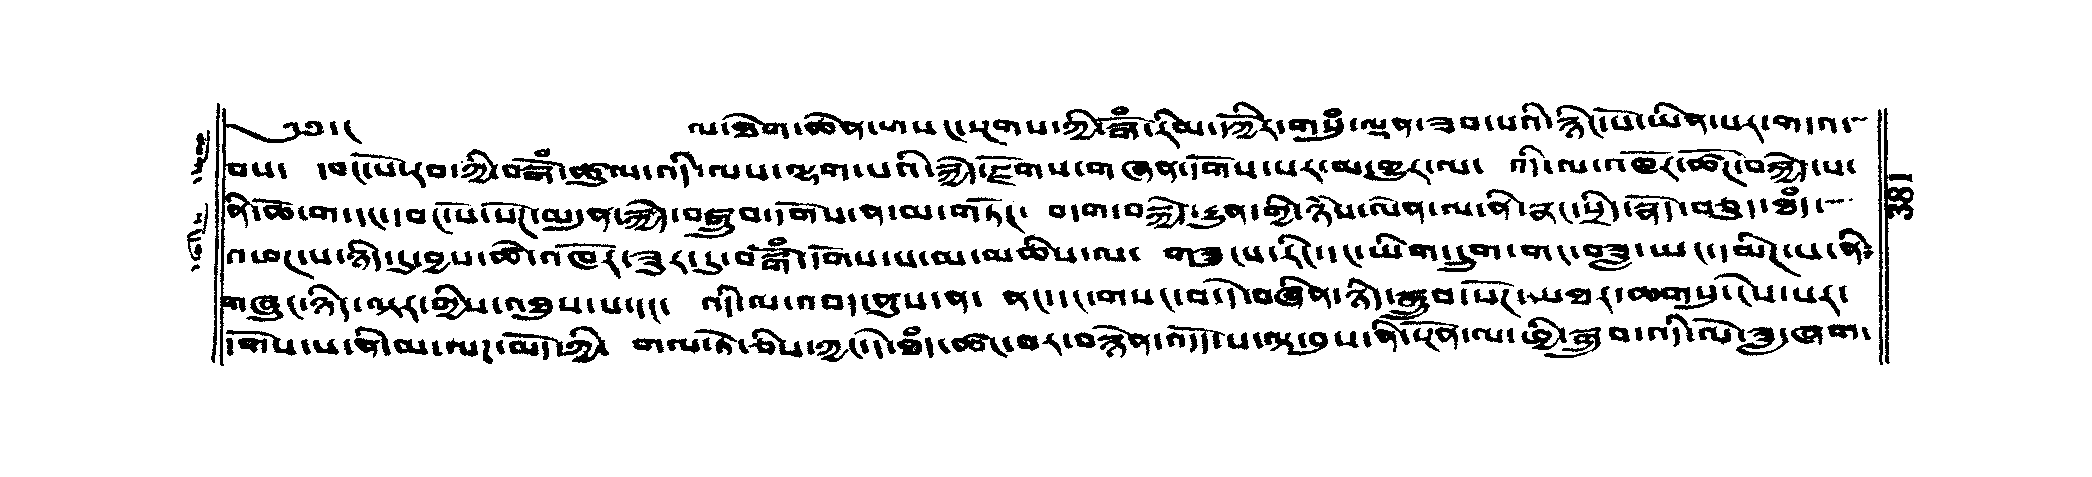ལ་ཐེག་ཆེན་གསང་སྔགས་ཀྱི་སྒོམ་རིམ་དཀྱིལ་འཁོར་གསུམ་ལྡན་ཟབ་པའི་སྙིང་པོ་ཡིན་པར་གདའ་
བས། དབང་པོ་རབ་ཀྱི་བསྒོམ་ཚུལ་འདི་ལས་ལྷག་པའི་བསྐྱེད་རྫོགས་གཞན་དགོས་པར་མ་གྱུར་ལ། འདི་ལ་འཁོར་ཚོགས་བསྐྱེད་པ་
ནི་ཆོ་ག་དང་དབང་པོ་སོགས་མདུན་བསྐྱེད་བསྒྲུབ་དགོས་ན་མ་གཏོགས་བདག་བསྐྱེད་རྒྱུན་གྱི་ཉམས་ལེན་ལ་ནི་སྣང་སྲིད་སྣོད་བཅུད་ཐམས་ཅད་
འཕགས་པ་ཉིད་དུ་བྱས་ཚེ་འཁོར་ཟུར་དུ་བསྒོམ་དགོས་པ་མ་མཆིས་ལ། གཟུངས་རིང་དང་ཡིག་འབྲུ་གང་བཟླ་ཡང་དམིགས་པ་ནི་
གཞུང་ཉིད་ལྟར་གྱིས་འཐུས་པ་དང་། འདི་ལ་འབད་ནུས་ན། ནང་དང་གསང་བ་དེ་བཞིན་ཉིད་སྒྲུབ་སོགས་མཐར་ཆགས་སུ་ངེས་པར་
དགོས་པ་ནི་མ་ལགས་ཀྱི། གལ་ཏེ་ཅིས་ཀྱང་ཐམས་ཅད་ཚང་བར་བསྙེན་འདོད་པ་ལྟ་བུས་ནི་སྔོན་ལ་ཕྱི་སྒྲུབ་འདི་ལོ་ཟླ་ཞག་